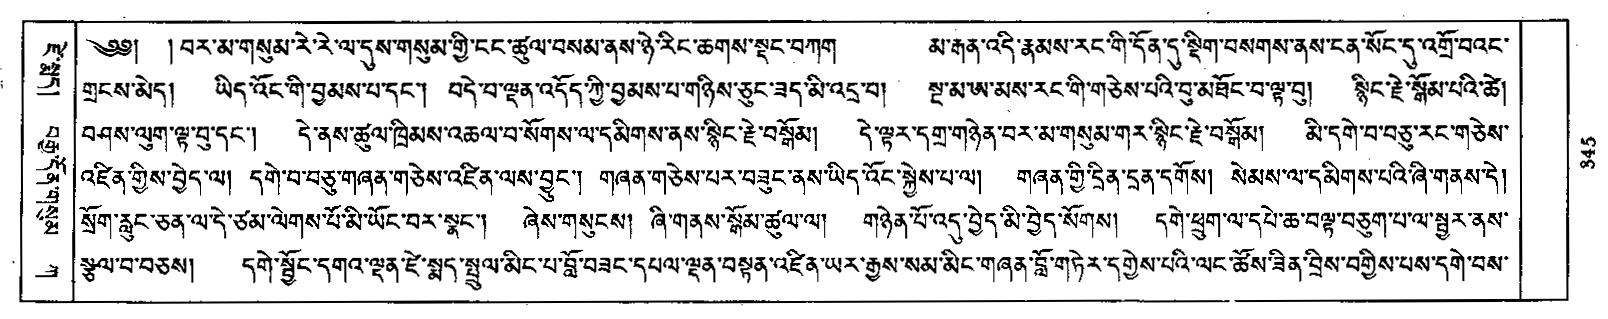༄༅། །བར་མ་གསུམ་རེ་རེ་ལ་དུས་གསུམ་གྱི་ངང་ཚུལ་བསམ་ནས་ཉེ་རིང་ཆགས་སྡང་བཀག་མ་རྒན་འདི་རྣམས་རང་གི་དོན་དུ་སྡིག་བསགས་ནས་ངན་སོང་དུ་འགྲོ་བའང་
གྲངས་མེད། ཡིད་འོང་གི་བྱམས་པ་དང་། བདེ་བ་ལྡན་འདོད་ཀྱི་བྱམས་པ་གཉིས་ཅུང་ཟད་མི་འདྲ་བ། སྔ་མ་ཨ་མས་རང་གི་གཅེས་པའི་བུ་མཐོང་བ་ལྟ་བུ། སྙིང་རྗེ་སྒོམ་པའི་ཚེ།
བཤས་ལུག་ལྟ་བུ་དང་། དེ་ནས་ཚུལ་ཁྲིམས་འཆལ་བ་སོགས་ལ་དམིགས་ནས་སྙིང་རྗེ་བསྒོམ། དེ་ལྟར་དགྲ་གཉེན་བར་མ་གསུམ་གར་སྙིང་རྗེ་བསྒོམ། མི་དགེ་བ་བཅུ་རང་གཅེས་
འཛིན་གྱིས་བྱེད་ལ། དགེ་བ་བཅུ་གཞན་གཅེས་འཛིན་ལས་བྱུང་། གཞན་གཅེས་པར་བཟུང་ནས་ཡིད་འོང་སྐྱེས་པ་ལ། གཞན་གྱི་དྲིན་དྲན་དགོས། སེམས་ལ་དམིགས་པའི་ཞི་གནས་དེ།
སྲོག་རླུང་ཅན་ལ་དེ་ཙམ་ལེགས་པོ་མི་ཡོང་བར་སྣང་། ཞེས་གསུངས། ཞི་གནས་སྒོམ་ཚུལ་ལ། གཉེན་པོ་འདུ་བྱེད་མི་བྱེད་སོགས། དགེ་ཕྲུག་ལ་དཔེ་ཆ་བལྟ་བཅུག་པ་ལ་སྦྱར་ནས་
སྩལ་བ་བཅས། དགེ་སྦྱོང་དགའ་ལྡན་ཛེ་སྨད་སྤྲུལ་མིང་པ་བློ་བཟང་དཔལ་ལྡན་བསྟན་འཛིན་ཡར་རྒྱས་སམ་མིང་གཞན་བློ་གཏེར་དགྱེས་པའི་ལང་ཚོས་ཟིན་བྲིས་བགྱིས་པས་དགེ་བས་